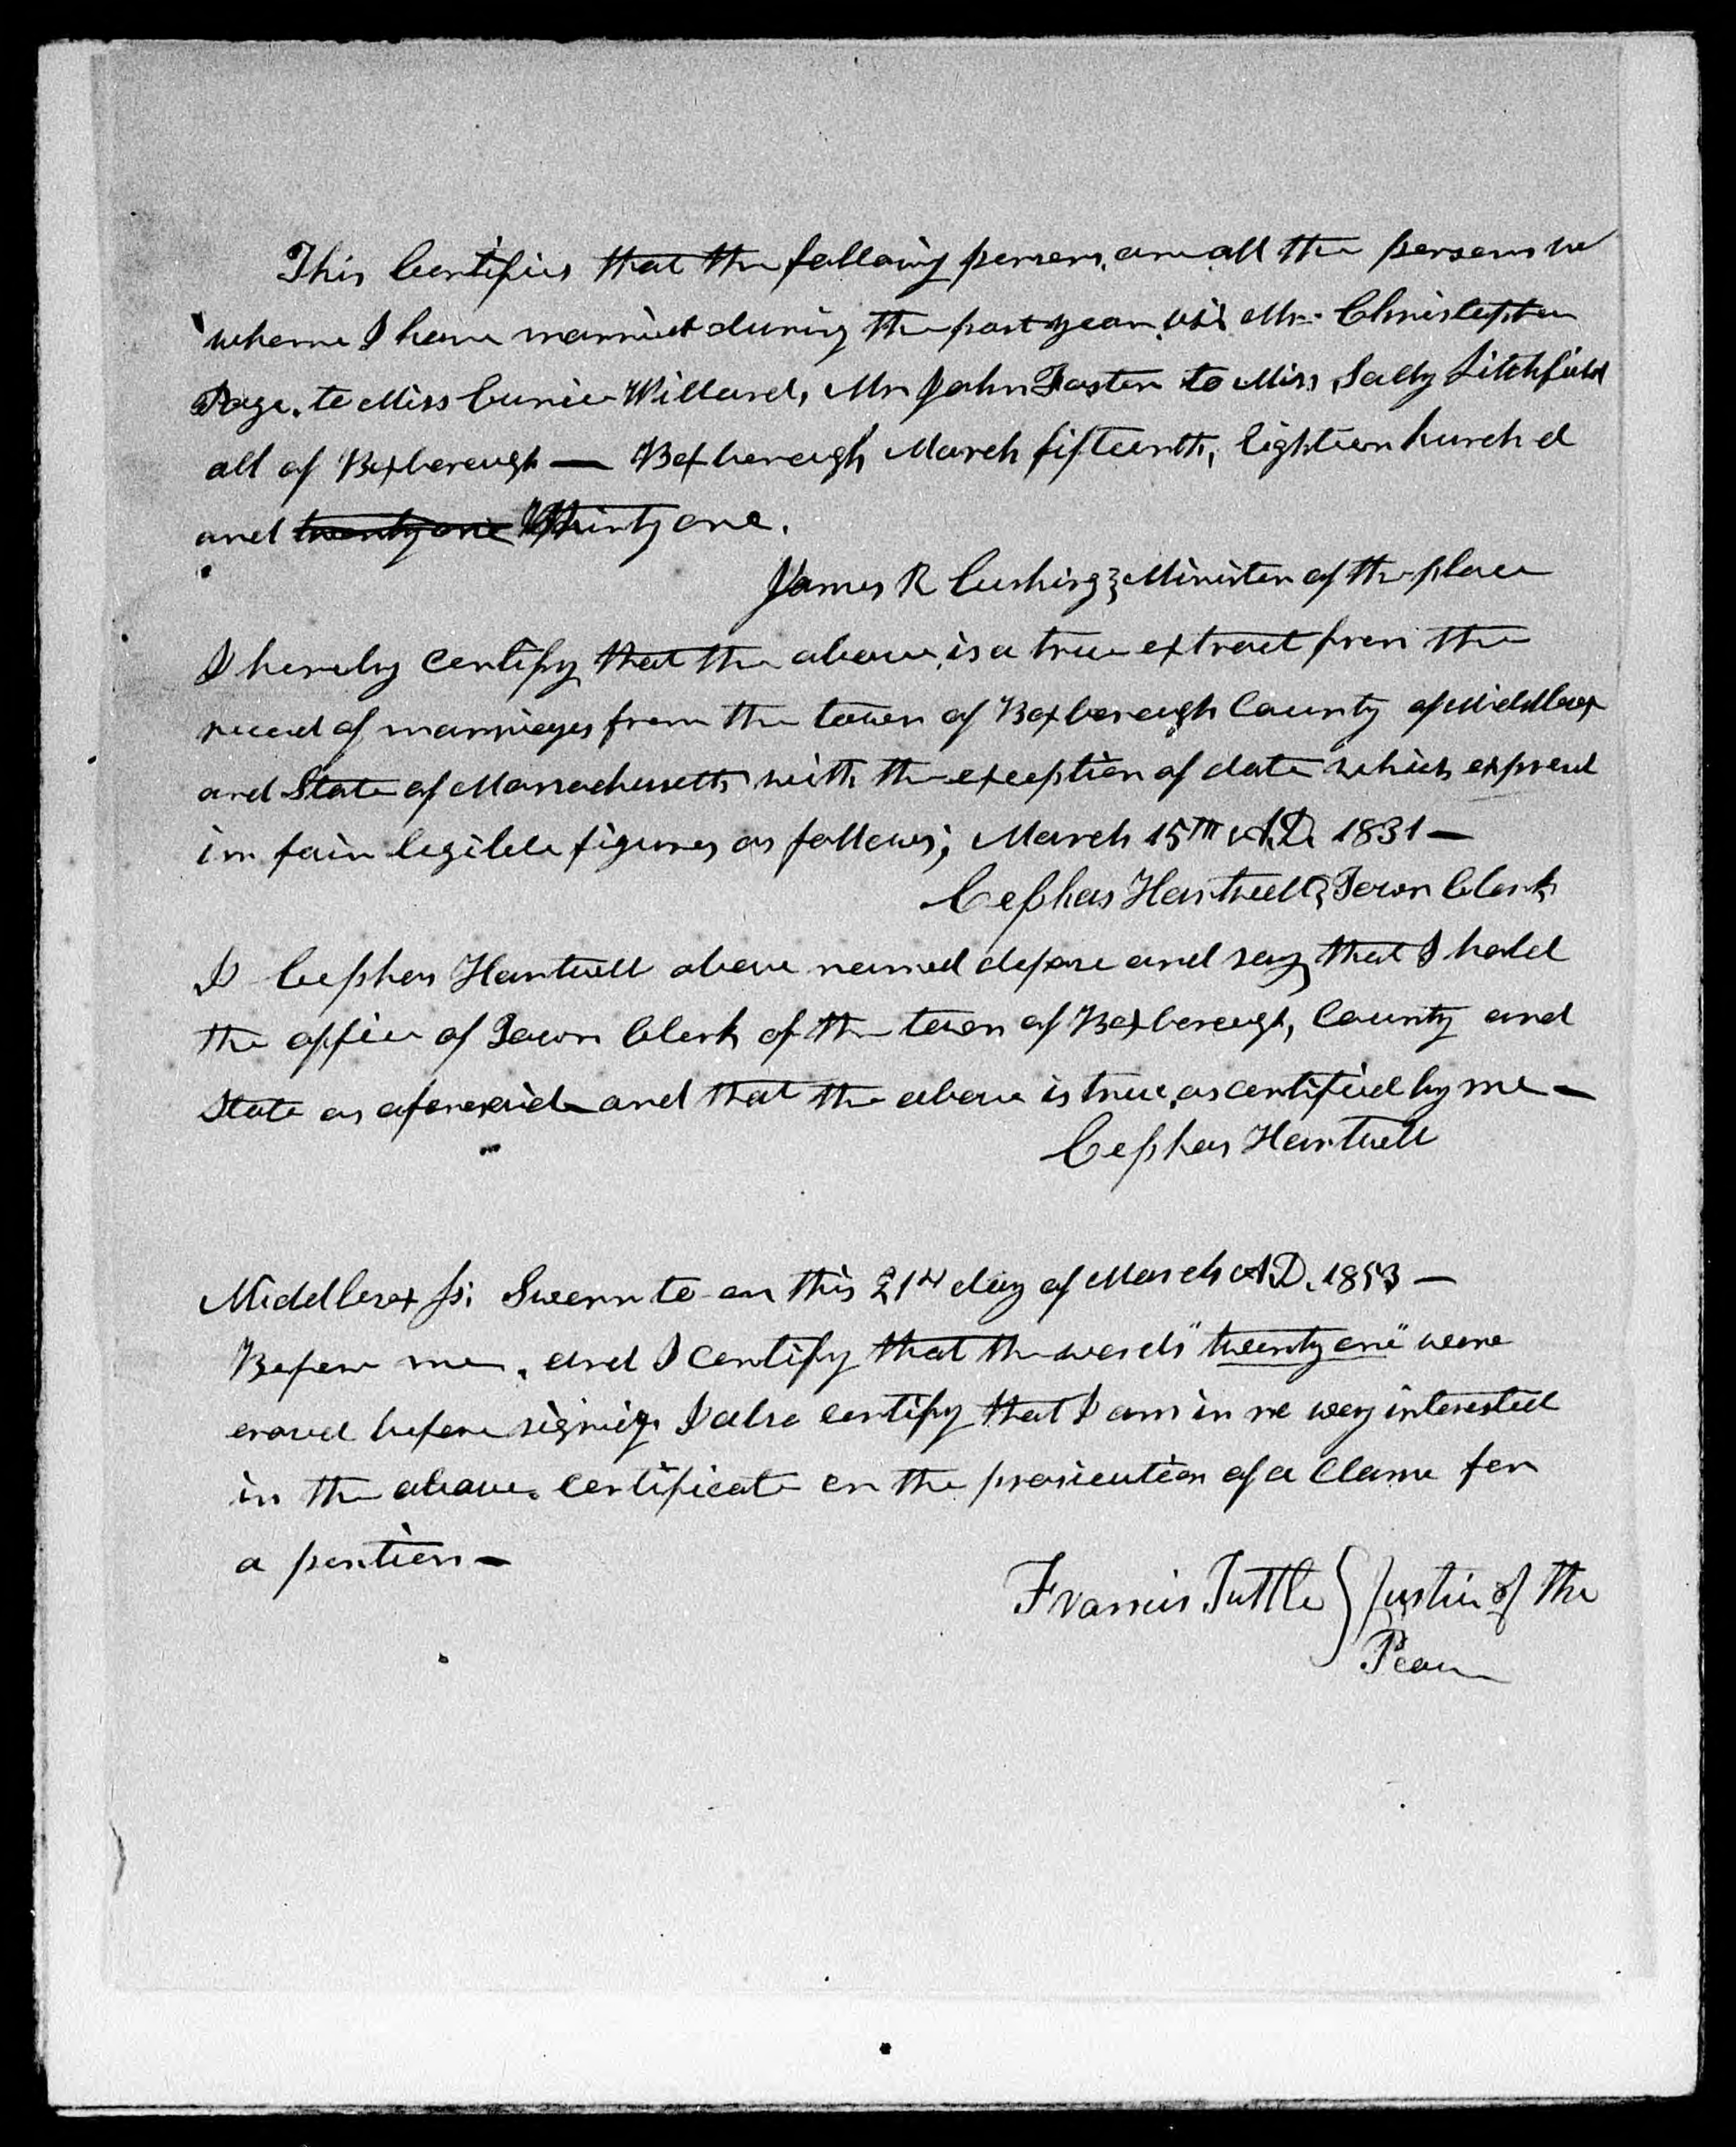This certifies that the following persons and all the persons whence I have married during the past year, viz attn. Mr. Christopher Page to Miss Eunice Willard, Mr John Foster to Miss Sally Litchfield all of Boxborough- [illegible] March fifteenth, eighteen hundred and ["twenty one" crossed out] thirty one.
James R Cushing} Minister of the place
I certify that the above is a true extract from the record of marriages from the town of Boxborough County of Middlesex and State of Massachusetts with the exception of date which expressed in fair legible figures as follows; March 15th A. D. 1831-
Cephus Hartwell Town Clerk
I Cephus Hartwell above named depose and say that I hold the office of Town Clerk of the town of Boxborough, County and State as aforesaid and that the above is true as certified by me-
Cephus Hartwell
Middlesex ss:  Sworn to on this 21st day of March A. D. 1853-
Before me, and I certify that the words "twenty one" were erased before signing.  I also certify that I am in no way interested in the above certificate in the prosecution of a claim for a pention [pension]-
Francis Tuttle} Justice of the Peace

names: Cunie Willard, Sally Litchfield, Cephas Hartwell, James R Cushing, Cephas Hartwell, John Foster, Francis Tuttle, Cephas Hartwell, Christopher Page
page: 15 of 47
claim: widow's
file: W. 7,302, John Foster, Continental Mass. R.I.